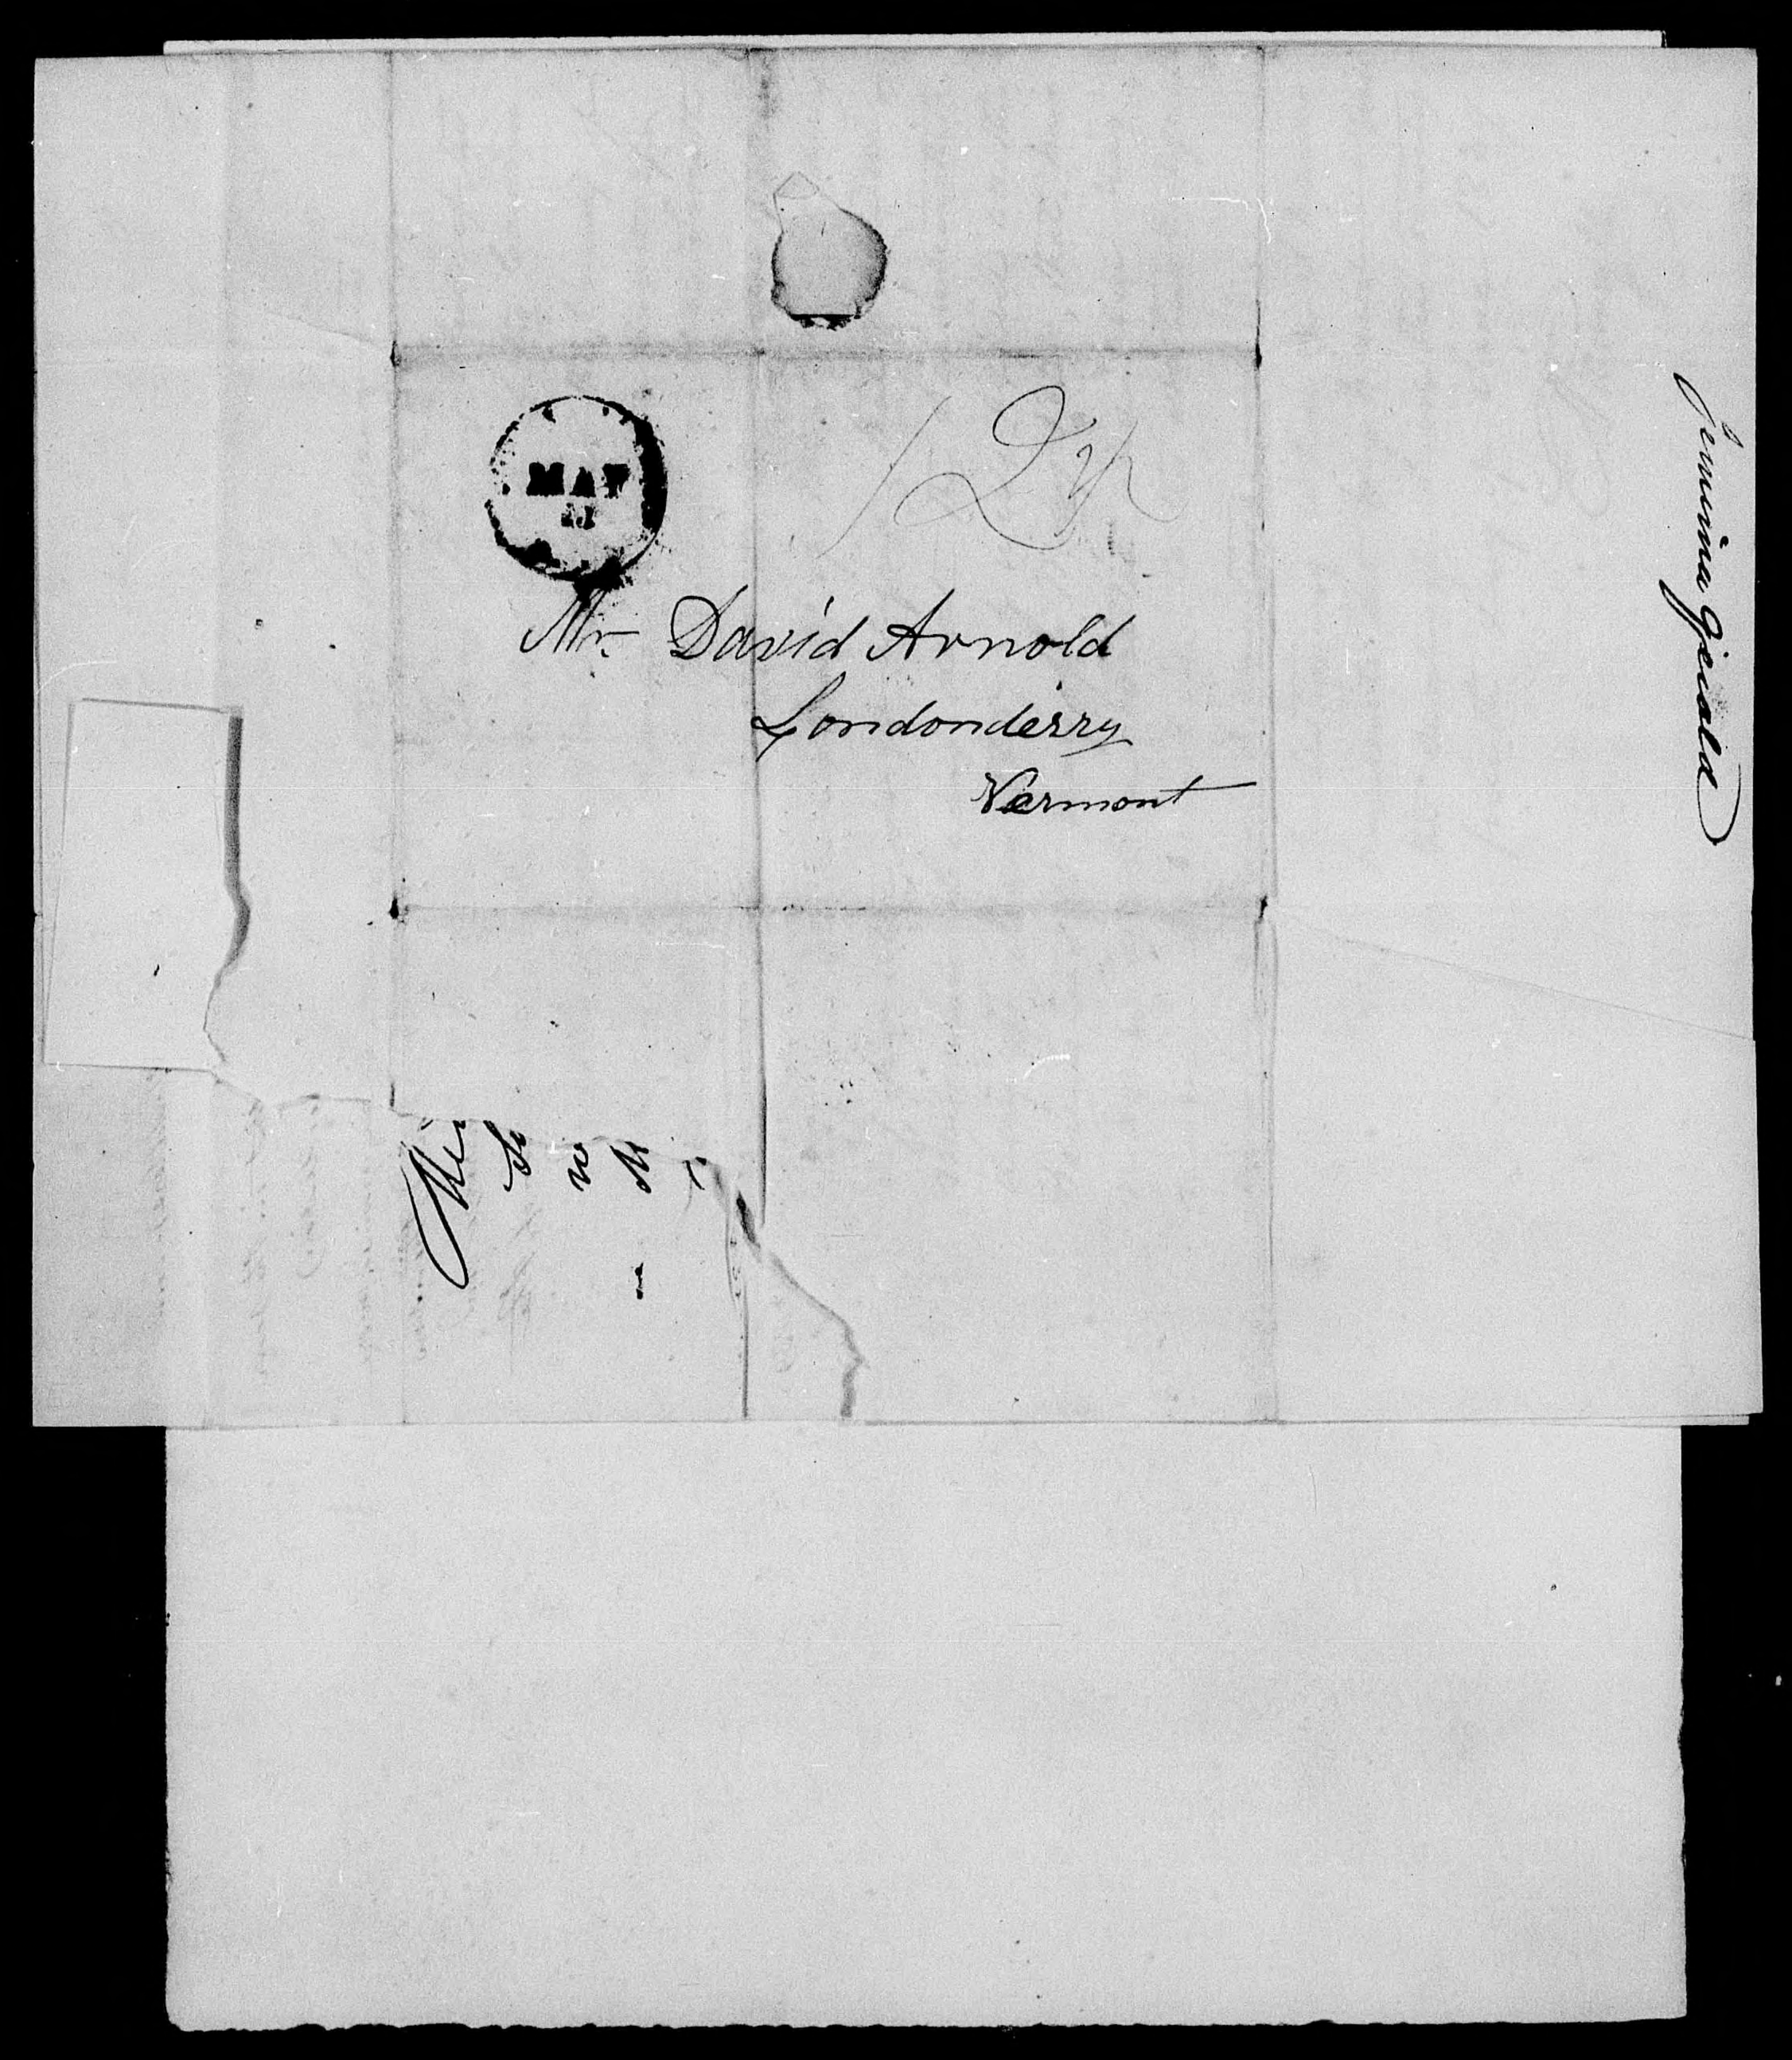Mr. David Arnold
Londonderry, Vermont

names: Jemima Gerald, David Arnold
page: 7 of 26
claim: widow's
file: W. 25619, Gamaliel Gerald, Mass.